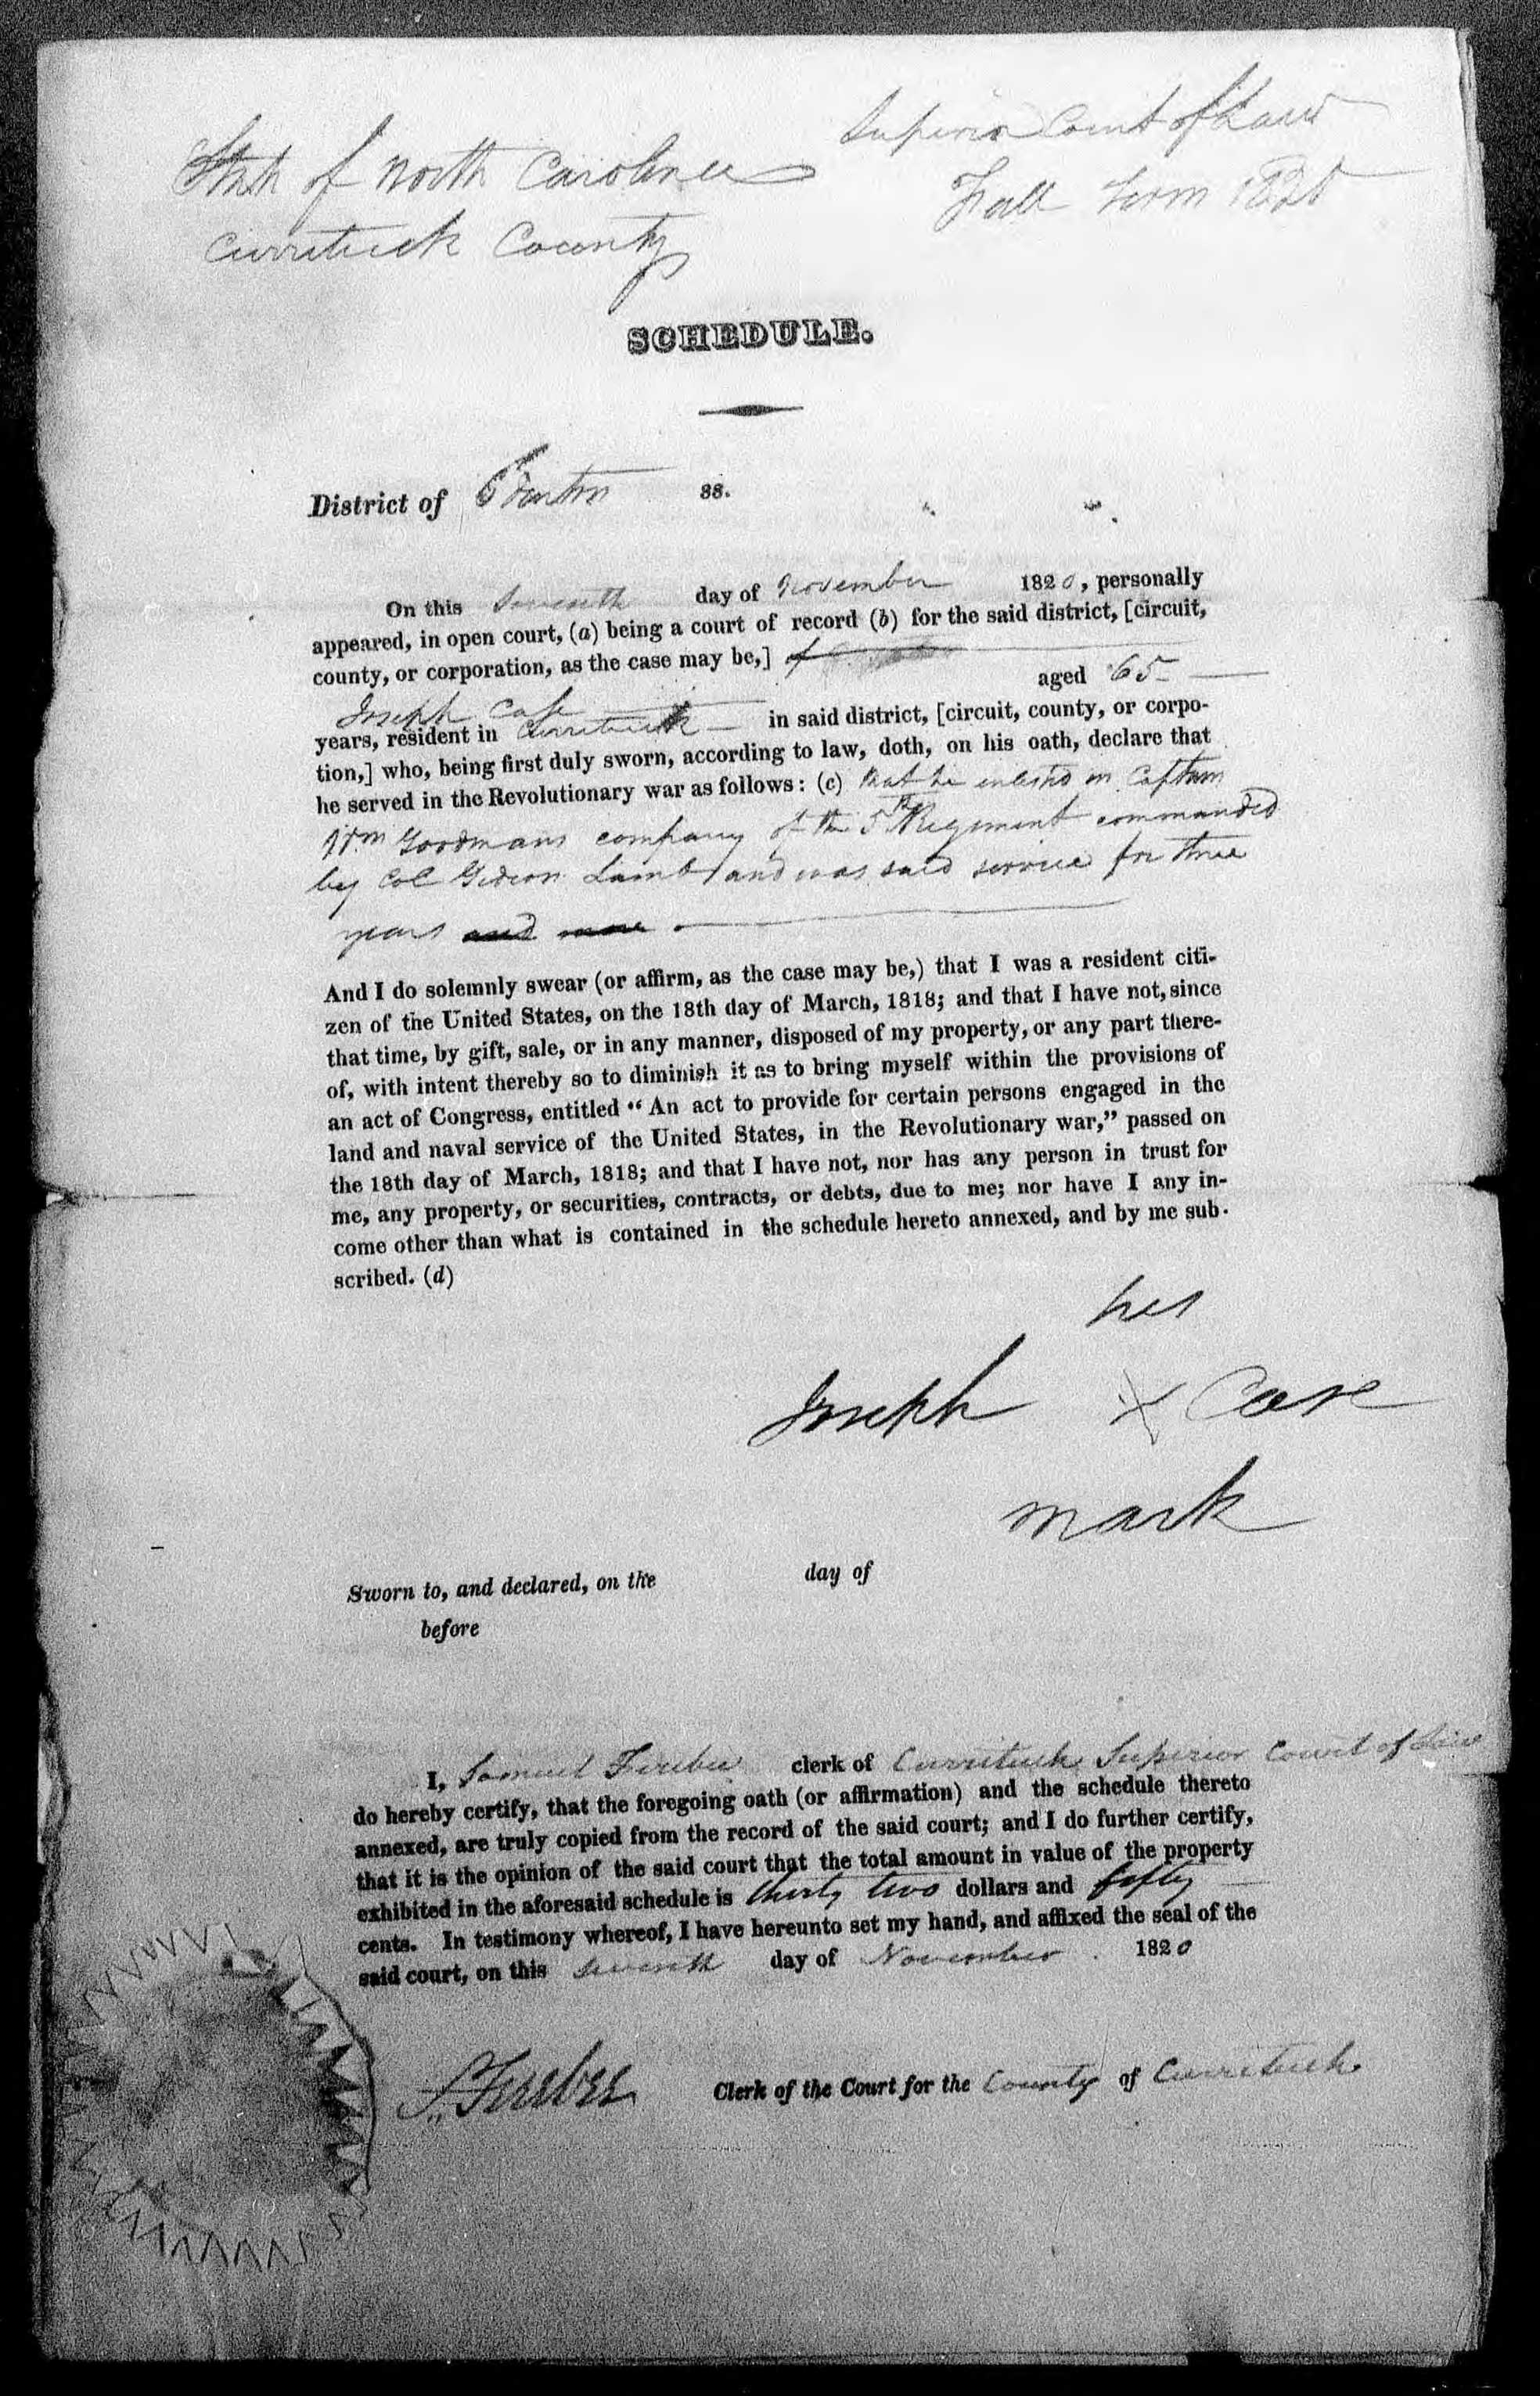Superior Court of Law, State of North Carolina, Currituck County, Fall Form 1829

SCHEDULE

District of Croton

On this Seventh day of November, 1820, personally appeared, in open court (a) being a court of record (b) for the said district (circuit, county, or corporation, as the case may be) Joseph Case, aged 65 years, resident in Currituck in said district who, being first duly sworn, according to law, doth, on his oath, declare that he served in the Revolutionary war as follows; (c) that he enlisted in Crofton from Goodman's company of the 5th Regiment commanded by Col. Gideon Lamb and was said service for three years.

And I do solemnly swear (or affirm, as the case may be,) that I was a resident citizen of the United States, on the 18th day of March, 1818; and that I have not, since that time, by gift, sale, or in any manner, disposed of my property, or any part thereof, with the intent thereby to diminish it as to bring myself within the provisions of an act of Congress, entitled "An act to provide for certain persons engaged in the land and naval service of the United States, in the Revolutionary War," passed on the 18th day of March, 1818; and that I have not, nor has any person in trust for me, any property, or securities, contradicts, or debts due to me; nor have I any income other than what is contained in the schedule hereto annexed, and by me subscribed, (d)

Joseph Case, x mark

Sworn to, and declared, on the day of before

I, Samuel Ferbeee clerk of Corrituck Superior Court of the said county, do hereby certify, that the foregoing oath (or affirmation) and the schedule thereto annexed are truly copied from the record of said court; and I do further certify, that it is the opinion of the said court that the total amount in value of the property exhibited in the aforesaid schedule is thirty two dollars and fifty cents.  In testimony whereof, I have hereunto set my hand, and affixed the seal of said court, on this Seventh day of November 1820

S. Ferebee, clerk of Corrituck Superior Court ,

[seal]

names: Samuel Ferebee, Joseph Case, S Ferebee, Gideon Lamb, Joseph Case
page: 8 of 20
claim: survivor's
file: S. 41472, Joseph Case, N.C.